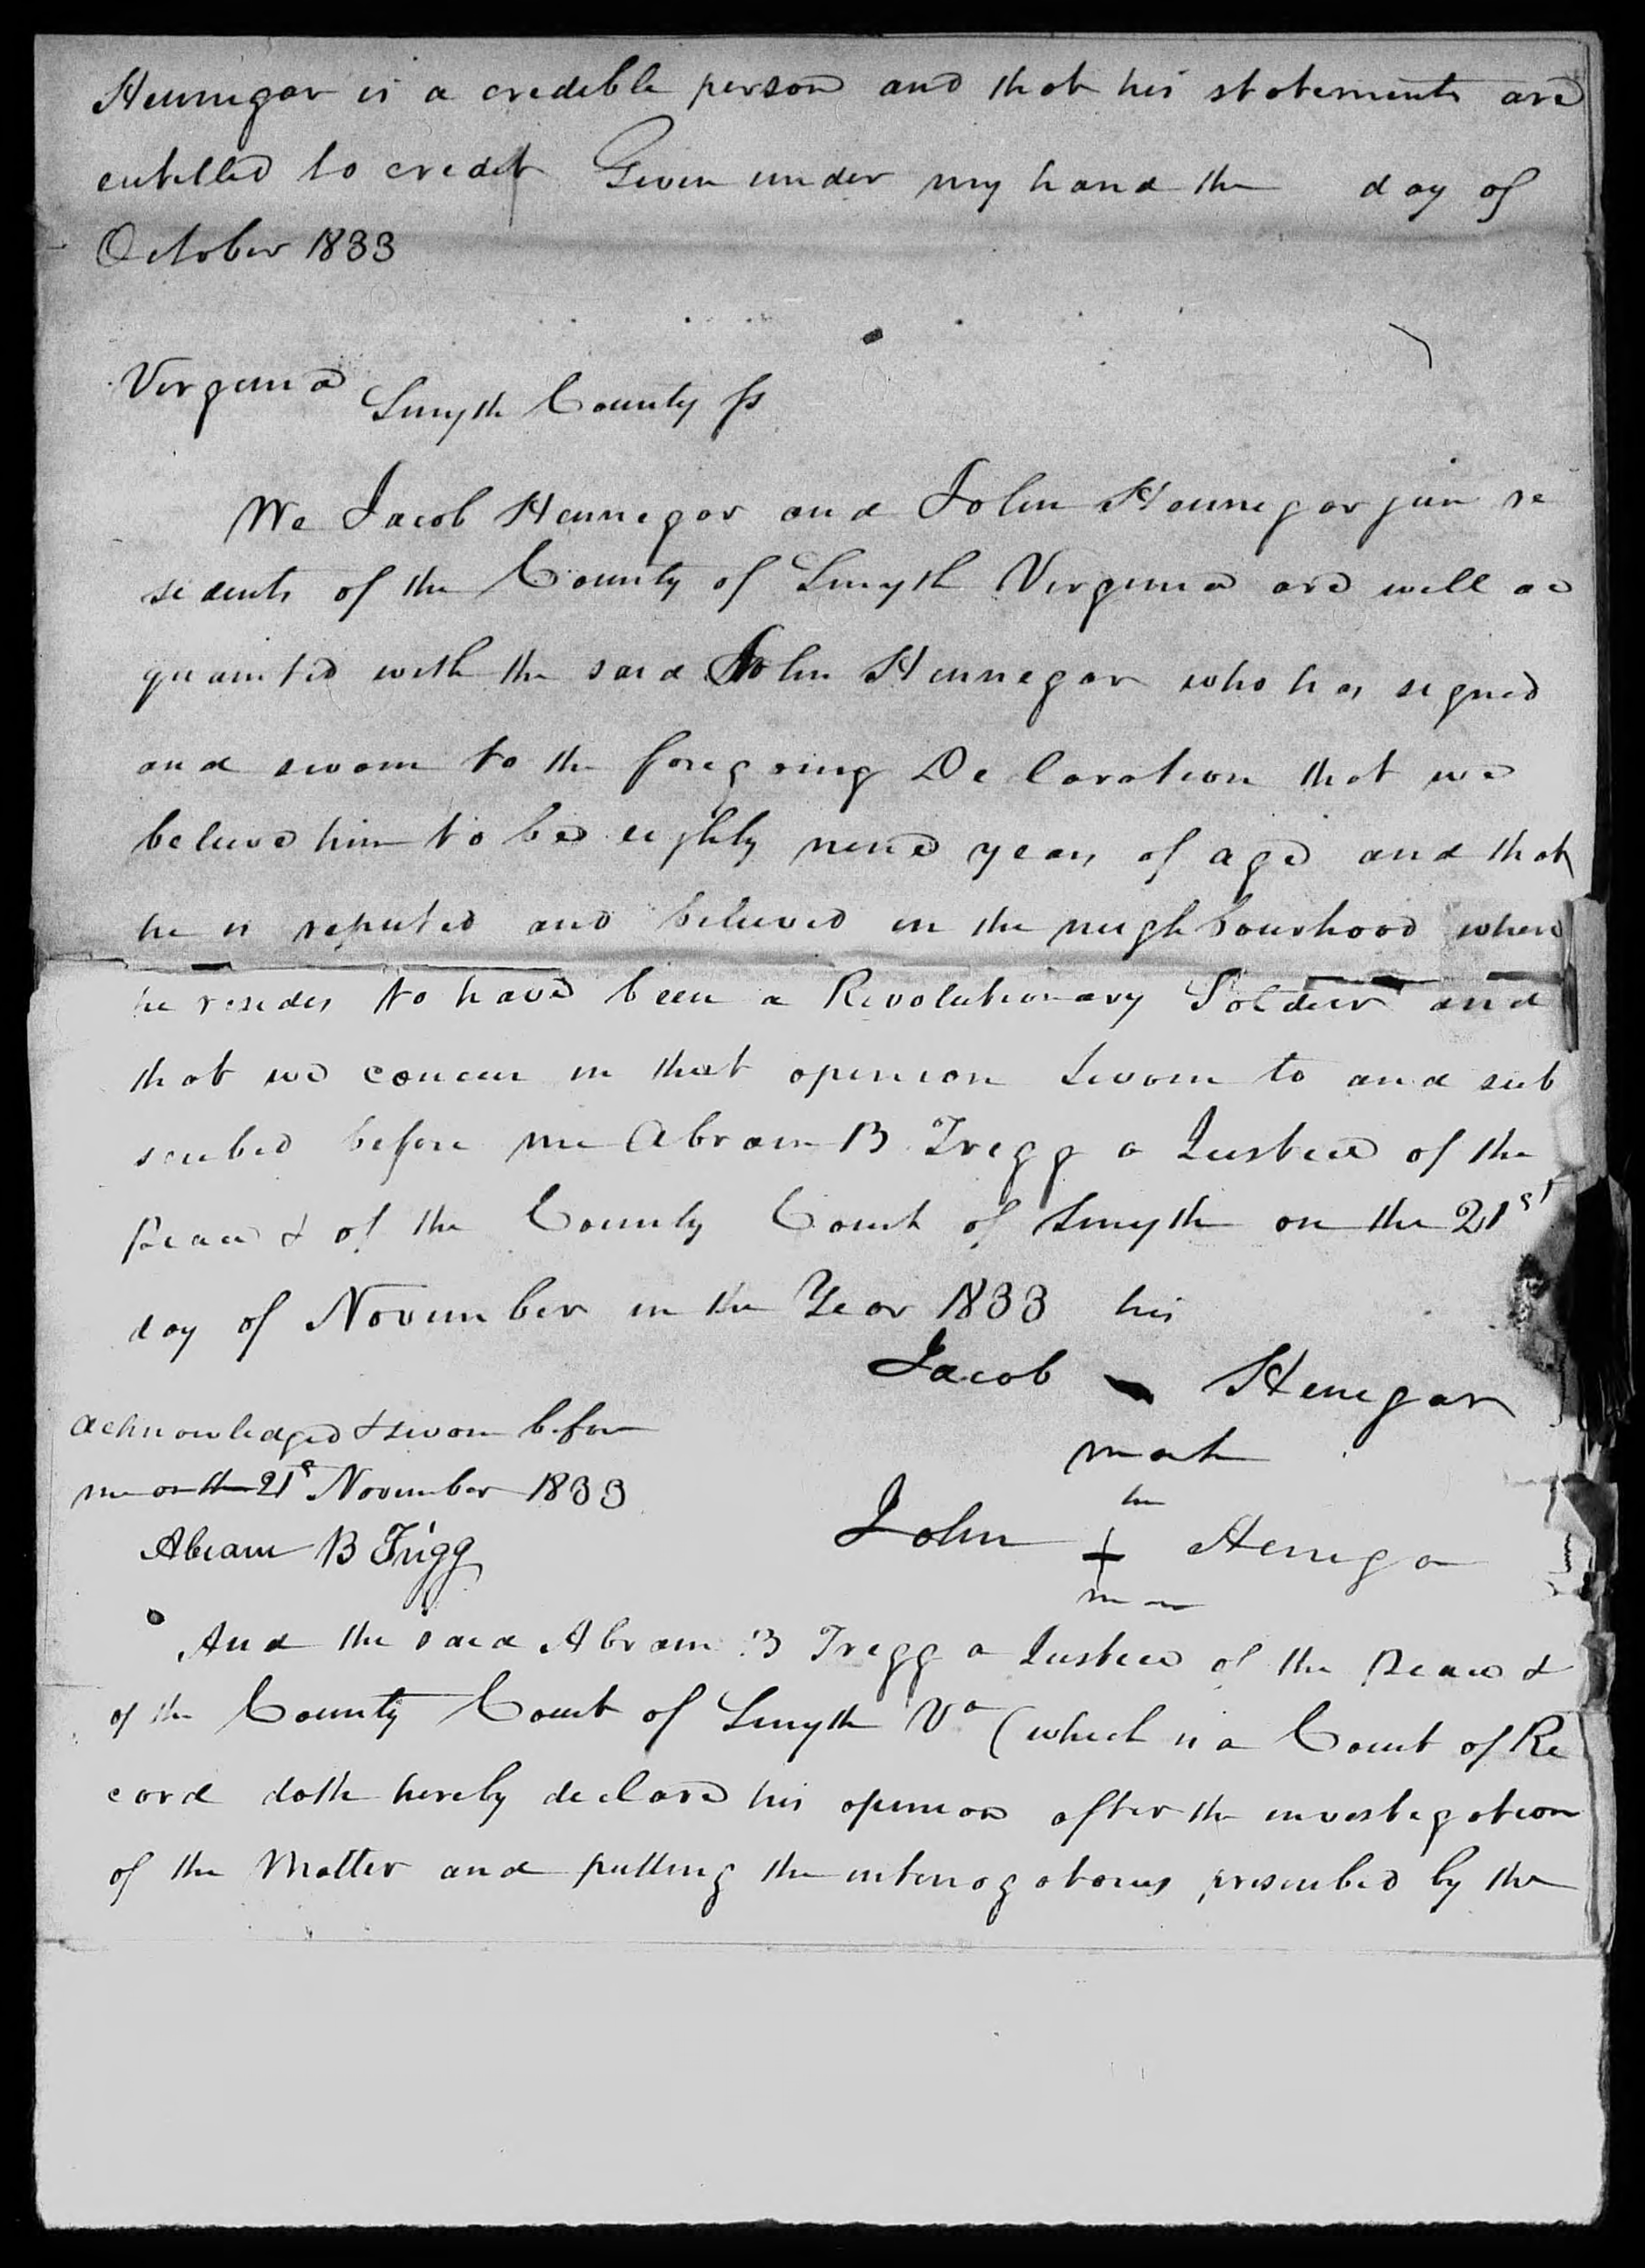Hennigar is a creible person and that his statements are entitled to credit. Given under my hand the blank day of October 1833.

Virginia Smyth County

We Jacob Hennigar and John Hennigar as residents of the county of Smyth Virginia are well acquainted with the said John Hennigar who has signed and sworn to the foregoing declaration that we believe him to be eighty-nine years of age and that he is reputed and believed in the neighborhood here he resides to have been a revolutionary soldier and that we concur in that opinion. Sworn to and subscribed before me Abram B Trigg a Justice of the Peace of the county court of Smyth on the 21st day of November in year 1833.

Jacob Hennigar
His X Mark

John Hennigar
His X Mark

Acknowledged & sworn before me on the 21st November 1833.

Abram B Trigg

And the said Abram B Trigg a Justice of the Peace of the county court of Smyth Va (which is a court of record) doth hereby declare his opinion after the investigation of the matter and putting the interrogatories prescribed by the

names: John Hennegan, Jacob Hennegan, Jacob Hennegan, Hennegan, Abram B Trigg, Abram B Trigg, John Henegan, John Hennegan, Abram B Trigg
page: 9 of 18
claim: survivor's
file: S. 15,884, John Hennigar, Md.